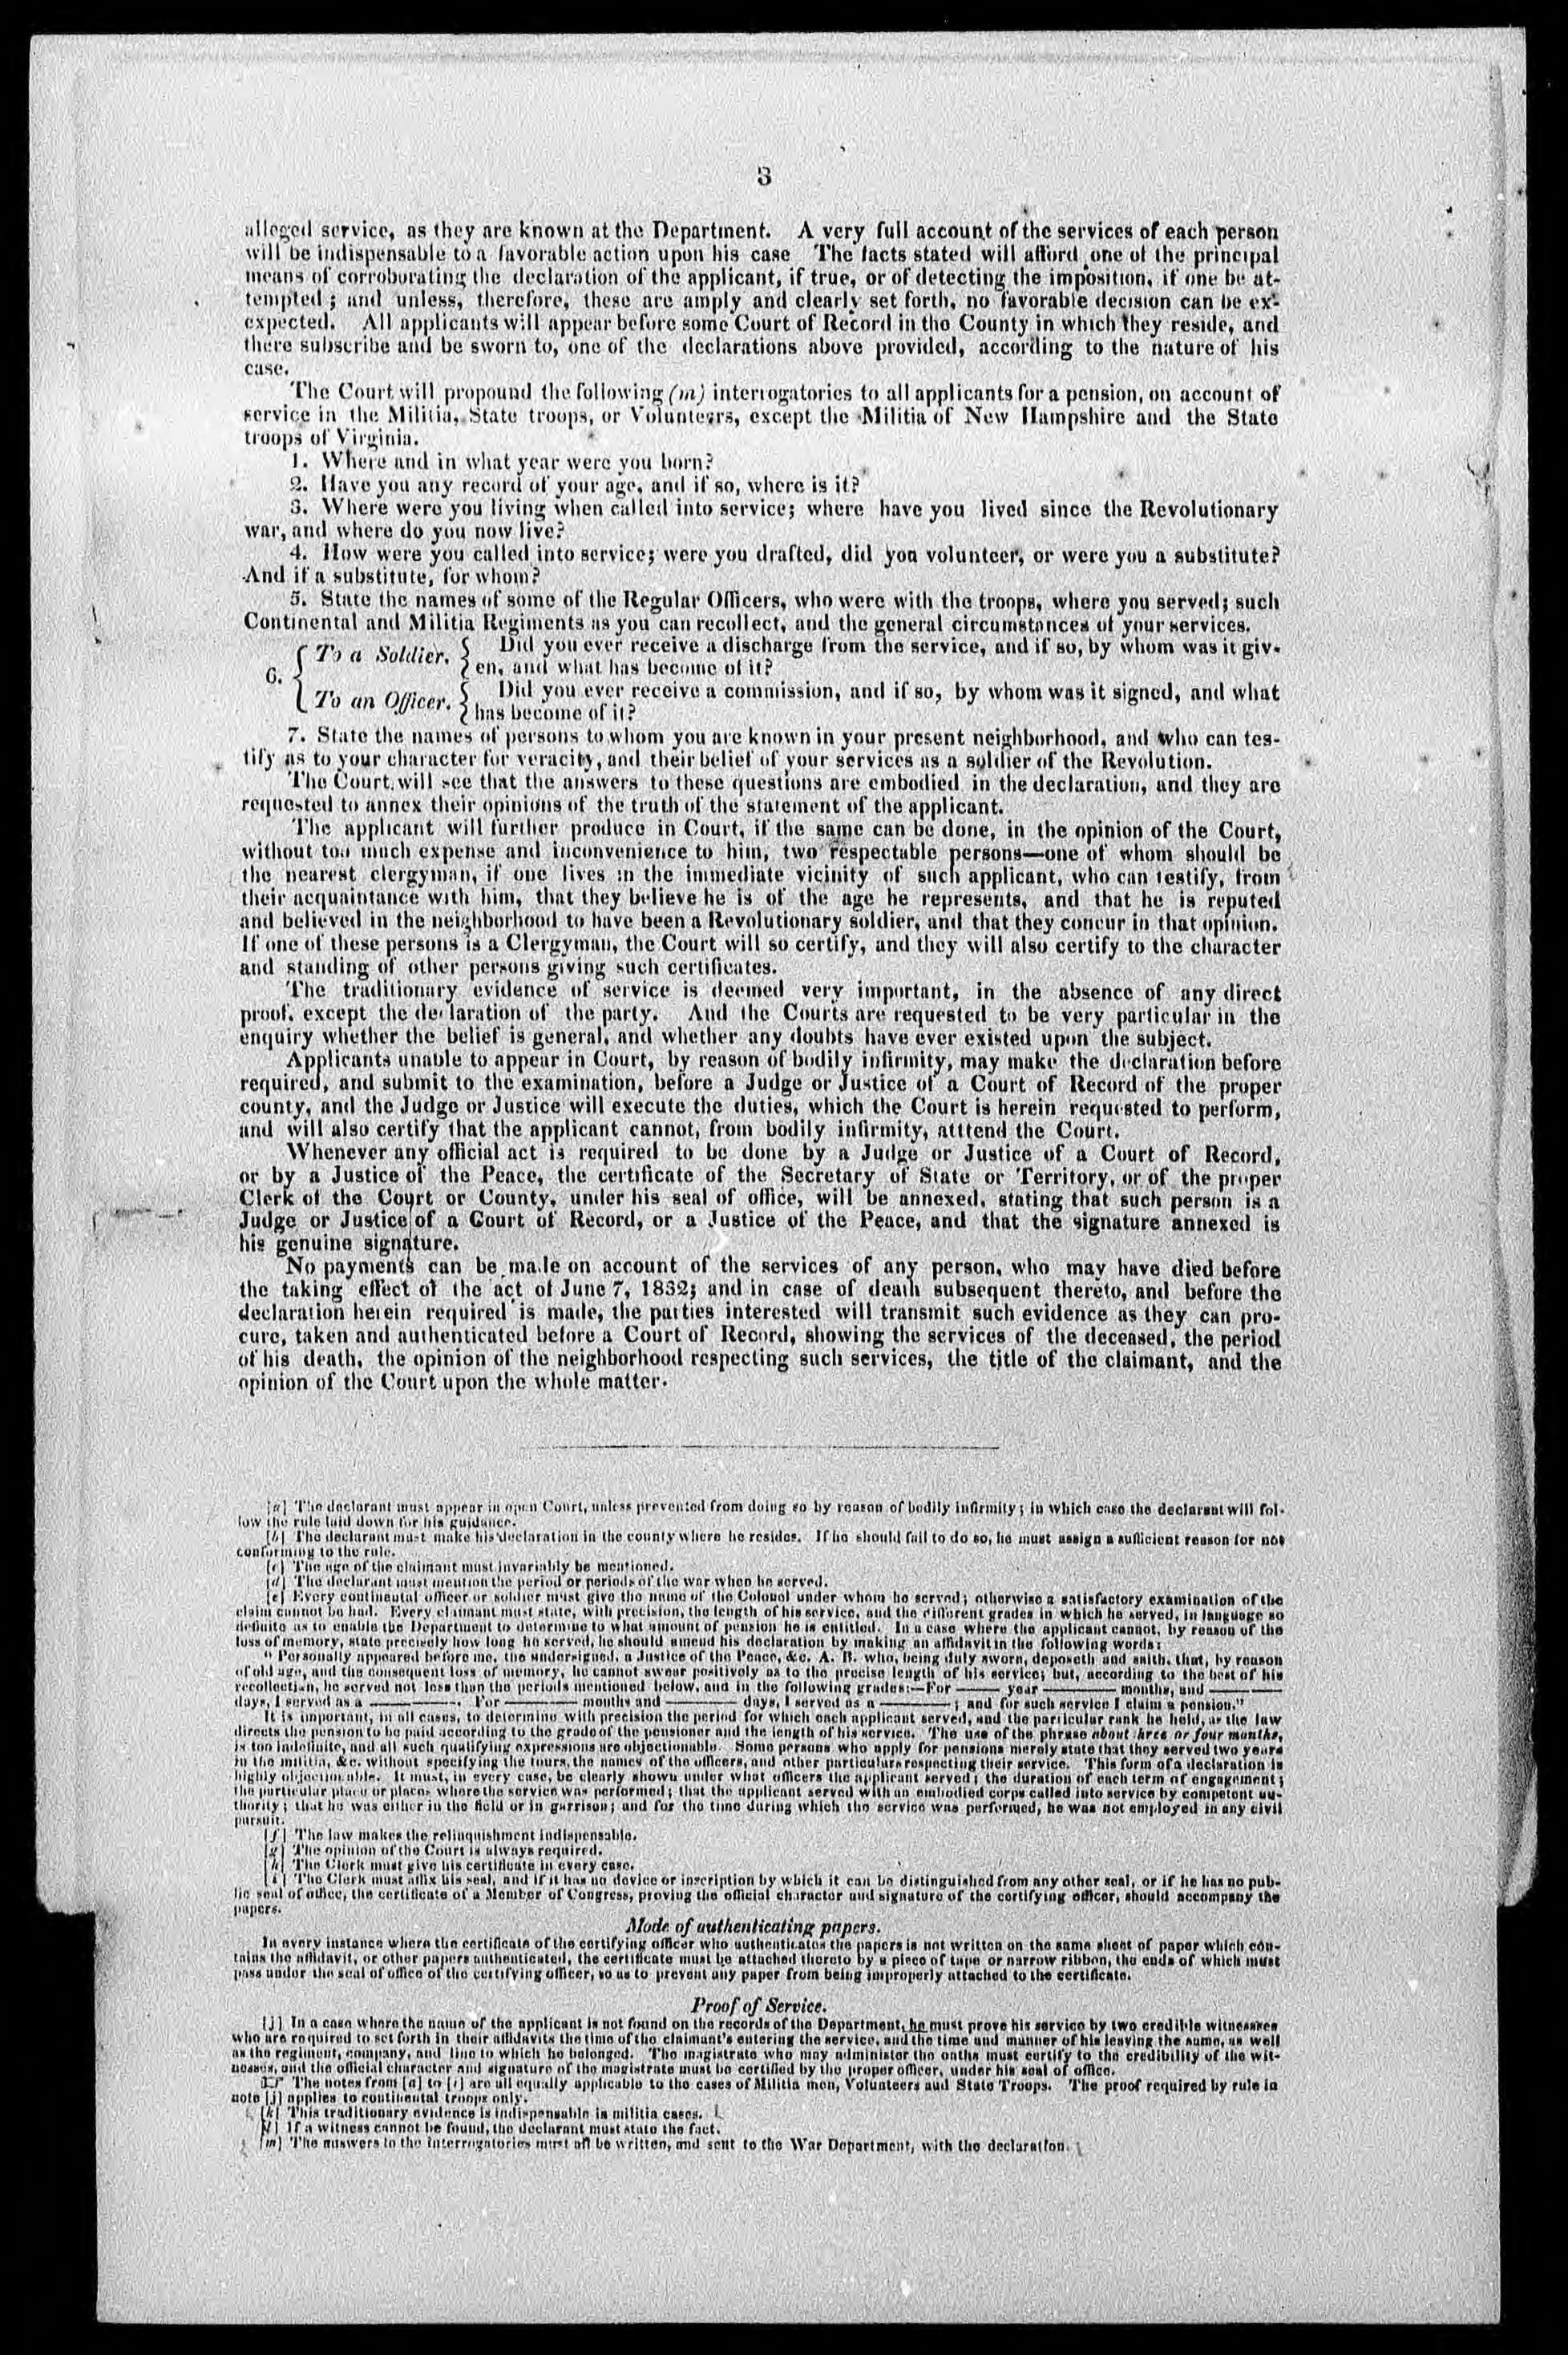alleged service, as they are known at the Department. A very full account of the services each person will be indispensable to a favorable action upon his case. The facts stated will afford one of the principal means of corroborating the declaration of applicant, if true, or of detecting the imposition, if one be attempted; and unless, therefore, there are amply and clearly set forth, no favorable decision can be expected. All applicants will appear before some Court of Record in the County in which they reside, and there subscribe and be sworn to, one of the declarations above provided, according to the nature of his case. 
The Court will propound the following (m) interrogations to all applicants for a pension, on account of service in the Militia, State troops, or Volunteers, except the Militia of New Hampshire and the State troops of Virginia.
1. Where and on what year were you born?
2. Have you any record of your age, and it so, where is it?
3. Where were you living when called into service; where have you lived since the Revolutionary war, and where do you now live?
4. How were you called into service; were you drafted, did you volunteer, or were you a substitute? And if a substitute, for whom?
5. State the names of some of the Regular Officers, who were with the troops, where you served; such Continental and Militia Regiments as you can recollect, and the general circumstances of your services. Did you ever receive a discharge from the service, and if so, by whom was it give.
6. {To a Soldier. {Did you ever receive a 
                         discharge from the service, and 
                         if so, by whom was it given, 
                         and what has become of it?
    To an Officer {Did you ever receive a 
                         commission, and if so, by 
                         whom was it signed, and what 
                         has become of it?
7. States the names of persons to whom you are known in your present neighborhood, and who can testify as to your character for veracity, and their belief of your services as a soldier of the Revolution. The Court will see that the answers to these questions are embodied in the declaration, and they are requested to annex their opinions of the truth of the statement of the applicant. The applicant will further produce in Court, if the same can be done, in the opinion of the Court, without too much expense and inconvenience to him, two respectable persons-one of whom should be the nearest clergyman, if one lives in the immediate vicinity of such applicant, who can testify from their acquaintance with him, that they believe he is of the age he represents, and that he is reputed. If one of these persons is Clergyman, the Court will so certify, and they will also certify to the character and standing of other persons giving such certificates. 
    The traditionary evidence of service is deeined very important, in the absence of any direct proof, except the declaration of the party. And the Courts are requested to be very particular in the enquiry whether the belief is general, and whether any doubts have ever existed upon the subject.
    Applicants unable to appear in Court, by reason of bodily infirmity, may make the declaration before required, and submit to the examination, before a Judge or Justice of a Court is herein requested to perform, and will also certify that the applicant cannot, from bodily infirmity, attend the Court.
   Whenever any official act is required to be done by a judge or Justice of a Court of Record, or by a Justice of a Court of Record, or by a Justice of the Peace, the certificate of the Secretary of State or Territory, or of the proper Clerk of the Court or County, under his seal of the of office, will be annexed, stating that such person is a Judge or Justice of a Court of Record, or a Justice of the Peace, and that the signature annexed is his genuine signature.
   No payments can be male on account of the services of any person, who may have died before the taking effect of the act of June 7, 1832; and in the case of death subsequent thereto, and before the declaration herein required is made, the parties interested will transmit such evidence as they can procure, taken and authentical before a Court of Record, showing the services of the deceased, the period of his death, the opinion of the neighborhood respecting such services, the title of the claimant, and the opinion of the Court upon the whole matter.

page: 8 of 52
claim: survivor's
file: S 17997, Nicholas Hawwawas, Mass.